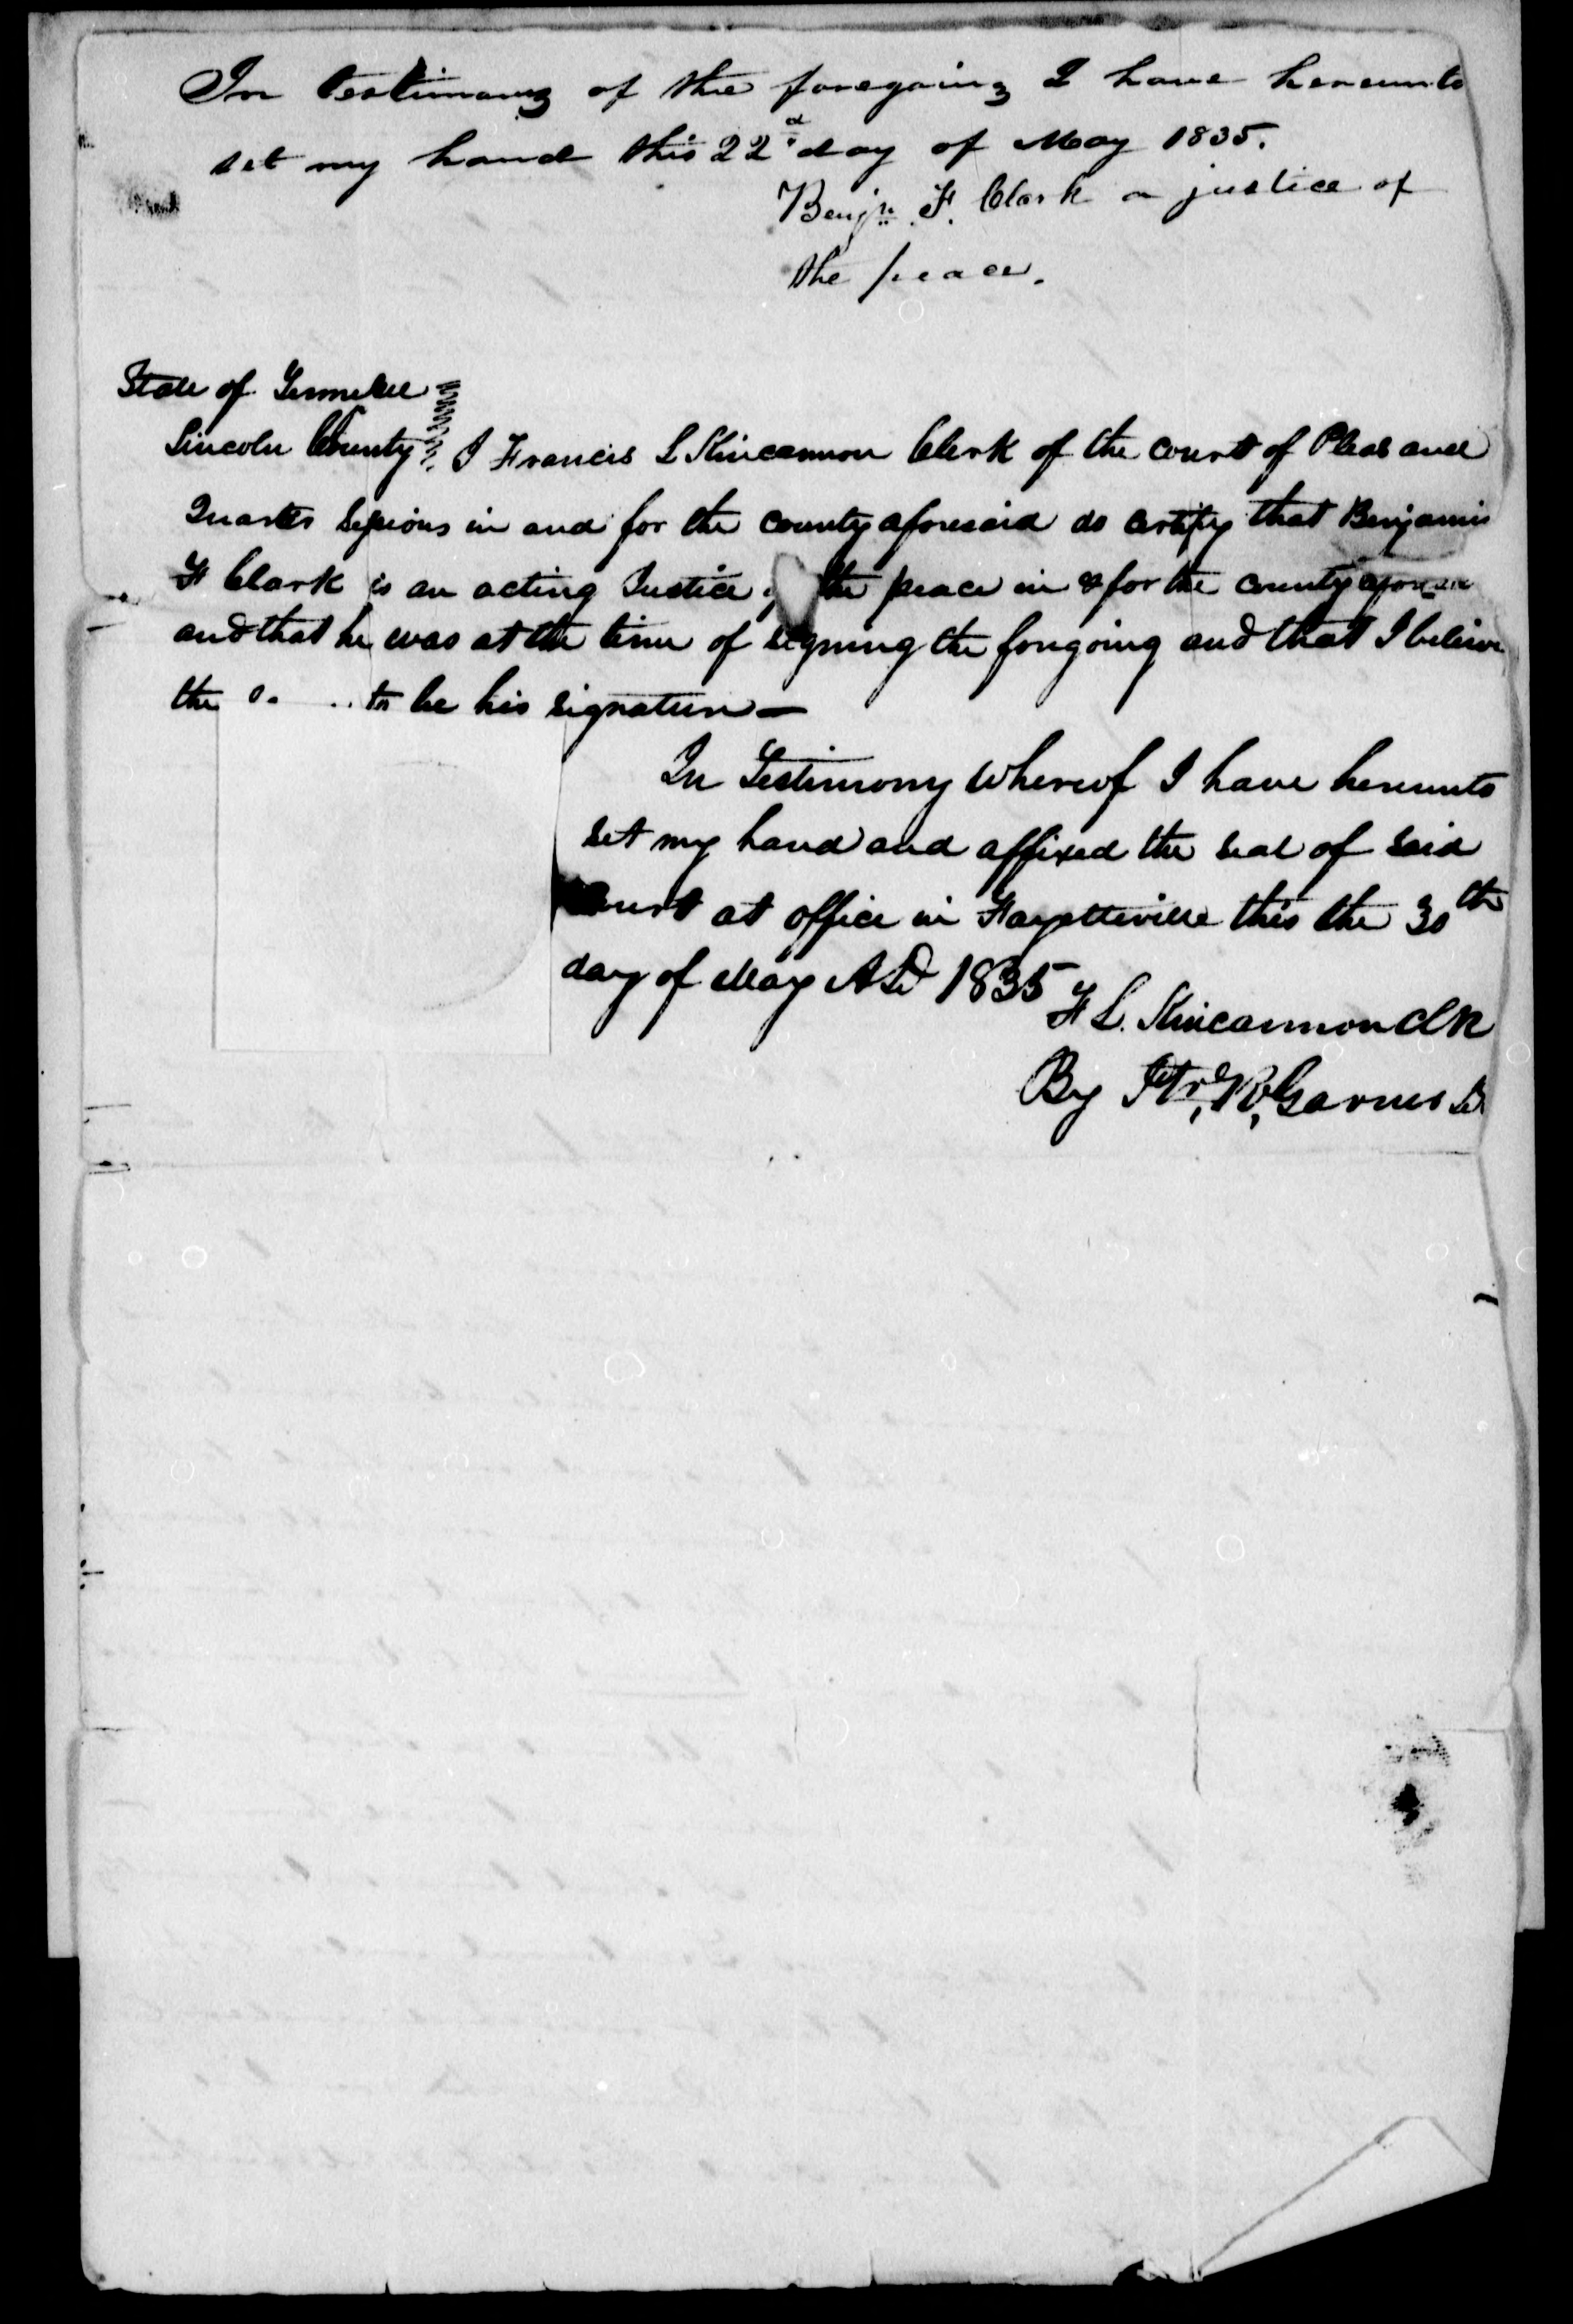In testimony of the foregoing, I have hereunto set my hand this 22nd day of May 1835.
Benj'm. F. Clark a justice of the peace.
State of Tennessee}
Lincoln County}
I Francis L. Kincannon Clerk of the court of Pleas and Quarter Sessions in and for the county aforesaid do certify that Benjamin F. Clark is an acting Justice of the peace in & for the county aforesaid and that he was at the time of signing the foregoing and that I believe the [test blocked) be his signature -
In testimony whereof I have hereunto set my hand and affixed the seal of said Court at office in  Fayetteville this the 30th day of May AD 1835
F. L. Kincannon Clk
By Ptr. R. Garnes,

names: Benjn F Clark, Ptr R Garnes, Benjamin F Clark, F L Kincannon, Francis L Kincannon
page: 53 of 105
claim: survivor's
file: S. 1883, Richard Vernon, N.C.